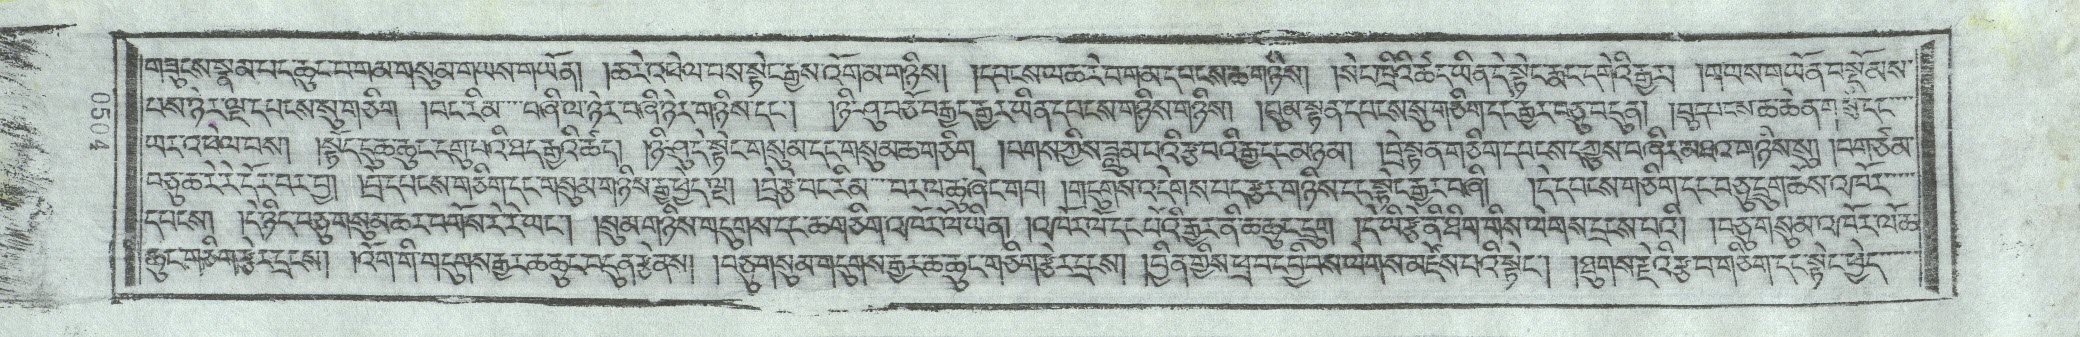གཟུངས་སྣམ་པད་ཆུང་བ་གམ་གསུམ་གཡས་གཡོན། །ཆ་རེ་འཕེལ་བས་སྟེང་རྒྱས་འོ་གམ་གཉིས། །དཔངས་ལ་ཆ་རེ་བ་གམ་དཔངས་ཆ་གཉིས། །སེང་ཁྲིའི་ཚད་ཡིན་དེ་སྟེང་རྨང་དགེའི་རྒྱར། །གཡས་གཡོན་བསྡོམས་
བས་ཉེར་ལྡ་དཔངས་སུ་གཅིག །བང་རིམ་བཞི་ལ་ཉེར་བཞི་ཉེར་གཉིས་དང་། །ཉི་ཤུ་བཅོ་བརྒྱད་རྒྱར་ཡིན་དཔངས་གཉིས་གཉིས། །བུམ་སྟན་དཔངས་སུ་གཅིག་དང་རྒྱར་བཅུ་བདུན། །བུ་དཔངས་ཆ་ཆན་གསུཾ་དང་
ཡར་འཕེལ་བས། །སྟོང་དུ་ཆ་ཆུང་དགུ་བའི་ཐད་རྒྱའི་ཚད། །ཉི་ཤུ་དེ་སྟེང་གསུམ་དང་གསུམ་ཆ་གཅིག །པགས་ཀྱིས་ཟླུམ་པའི་རྩ་བའི་རྒྱ་དང་མཉམ། །བྲེ་སྟན་གཅིག་དཔངས་དཀྱུས་བཞིར་མཐའ་གཉིས་སུ། །བག་གཙམ་
བཅུ་ཆ་རེ་རེ་དོར་བར་བྱ། །བྲེ་དཔངས་གཅིག་དང་གསུམ་གཉིས་རྒྱ་ཕྱད་ལྔ། །བྲེ་ཅེ་བང་རིམ་པར་ལ་ཆུ་ཞེང་གབ། །གདུགས་འདེགས་པང་རྩར་གཉིས་དང་སྟེང་རྒྱང་བཞི། །དེ་དཔངས་གཅིག་དང་བཅུ་དྲུག་ཆོས་འཁོར་
དཔངས། །དེ་ཉིད་བཅུ་གསུམ་ཆར་འགོས་རེ་རེ་ཡང་། །སུམ་གཉིས་གདུགས་དང་ཆ་གཅིག་འཁོར་ལོ་ཡིན། །འཁོར་ལ་དང་པོའི་རྒྱར་ནི་ཆ་ཆུང་དྲུག །དེ་ཡི་རྩེ་ནི་ཐིག་གིས་ལེགས་དྲངས་པའི། །བཅུ་གསུམ་འཁོར་ལོ་ཆ་
ཆུང་གཅིག་རྩེར་དྲངས། །འོག་གི་གདུགས་རྒྱར་ཆ་ཆུང་བདུན་རྩེ་ནས། །བཅུ་གསུམ་གདུགས་རྒྱར་ཆ་ཆུང་གཅིག་རྩིར་དྲངས། །བྱིན་གྱིས་ཕྲ་བ་བྱིབས་ལེགས་མཛོས་པའི་སྟེང་། །ཐུགས་རྗེའི་རྩ་བ་གཅིག་དང་སྟེང་ཕྱེད་